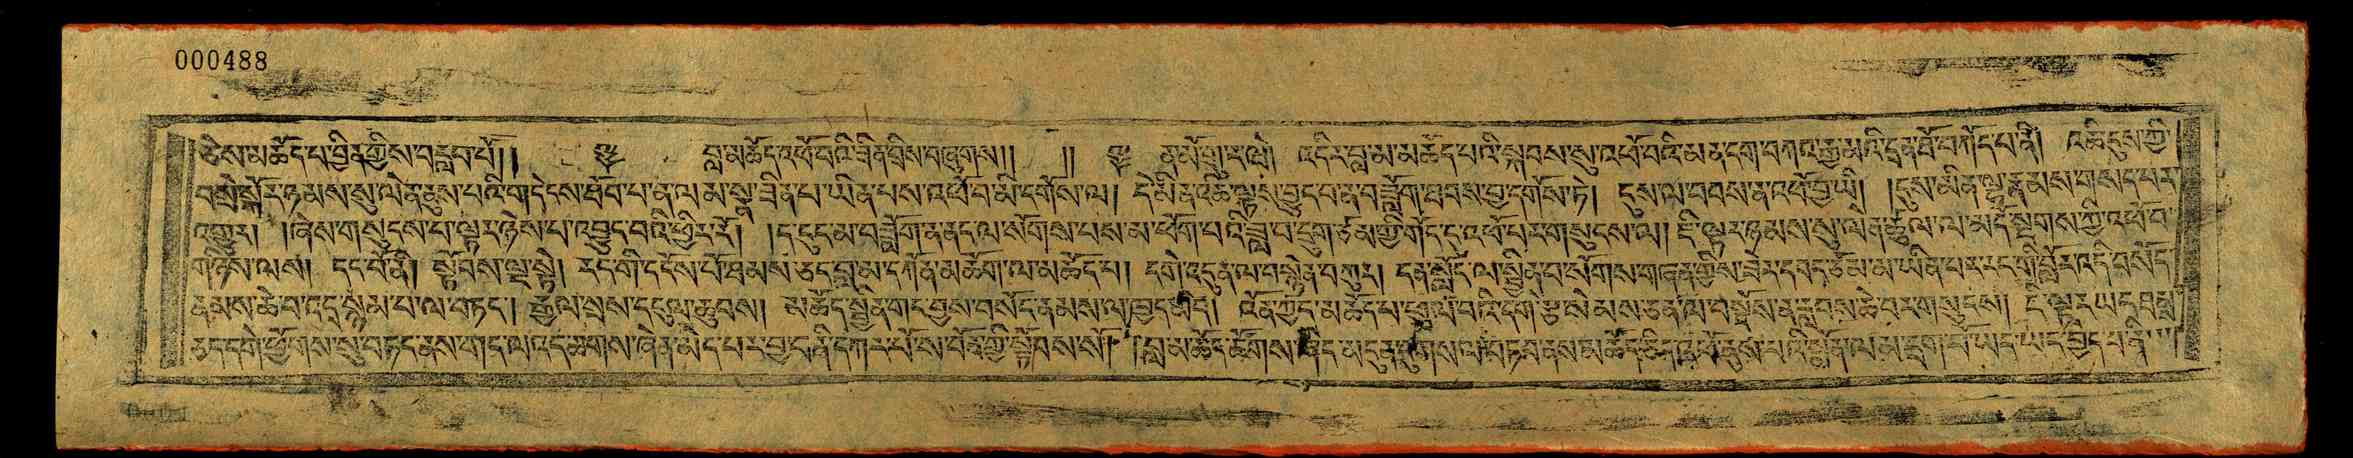ཅེས་མཆོད་པ་བྱིན་གྱིས་བརླབ་པོ།། ༈ བླ་མཆོད་འཕོ་བའི་ཟིན་བྲིས་བཞུགས།། །། ༈ ན་མོ་གུ་ར་ཝེ། འདིར་བླ་མ་མཆོད་པའི་སྐབས་སུ་འཕོ་བའི་མན་ངག་བཀའ་རྒྱ་མའི་དྲན་ཐོ་བཀོད་པ་ནི། འཆི་དུས་ཀྱི་
བསྲེ་སྐོར་ཉམས་སུ་ལེན་ནུས་པའི་གདེངས་ཐོབ་པ་ན་ལམ་སྣ་ཟིན་པ་ཡིན་པས་འཕོ་བ་མི་དགོས་ལ། དེ་མིན་འཆི་ལྟས་བྱུང་བ་ན་བཟློག་ཐབས་བྱ་དགོས་ཏེ། དུས་ལ་བབས་ན་འཕོ་བྱ་ཡི། །དུས་མིན་ལྷ་རྣམས་གསད་པར་
འགྱུར། །ཞེས་གསུངས་པ་ལྟར་ཉེས་པ་འབྱུང་བའི་ཕྱིར་རོ། །ད་དུང་མ་བཟློག་ན་ནད་ལ་སོགས་པས་མ་ཕོག་པའི་ཟླ་བདྲུག་ཙམ་གྱི་གོང་དུ་འཕོ་བར་གསུངས་ལ། ཇི་ལྟར་ཉམས་སུ་ལེན་ཚུལ་ལ་མདོ་སྔགས་ཀྱི་འཕོ་བ་
གཉིས་ལས། དང་པོ་ནི། སྟོབས་ལྔ་སྟེ། རང་གི་དངོས་པོ་ཐམས་ཅད་བླ་མ་དཀོན་མཆོག་ལ་མཆོད་པ། དགེ་འདུན་ལ་བསྙེན་བཀུར། ངན་སློང་ལ་སྦྱིན་པ་སོགས་གཞན་གྱིས་ཟེར་དབང་ཙམ་མ་ཡིན་པར་རང་གི་བློར་འདི་བསོད་
ནམས་ཆེ་བ་འདྲ་སྙམ་པ་ལ་བཏང་། རྒྱལ་སྲས་དངུལ་ཆུ་བས། མཆོད་སྦྱིན་གང་བྱས་བསོད་ནམས་ལ་ཁྱད་མེད། འོན་ཀྱང་མཆོད་པ་ཕུལ་བའི་དགེ་རྩ་སེམས་ཅན་ལ་བསྡོས་ན་རླབས་ཆེ་བར་གསུངས། ཇི་ལྟར་ཡང་ཐམས་
ཅད་དགེ་ཕྱོགས་སུ་བཏང་ནས་གང་ལའང་ཆགས་ཞེན་མེད་པར་བྱ་བ་ནི་དཀར་པོ་ས་བོན་གྱི་སྟོབས་སོ། །བླ་མཆོད་ཚོགས་ཞིང་མདུན་དུ་གསལ་བཏབ་ནས་མཆོད་ཅིང་འཕོ་ནུས་པའི་སྨོན་ལམ་དྲག་པོ་ཡང་ཡང་བྱེད་པ་ན་